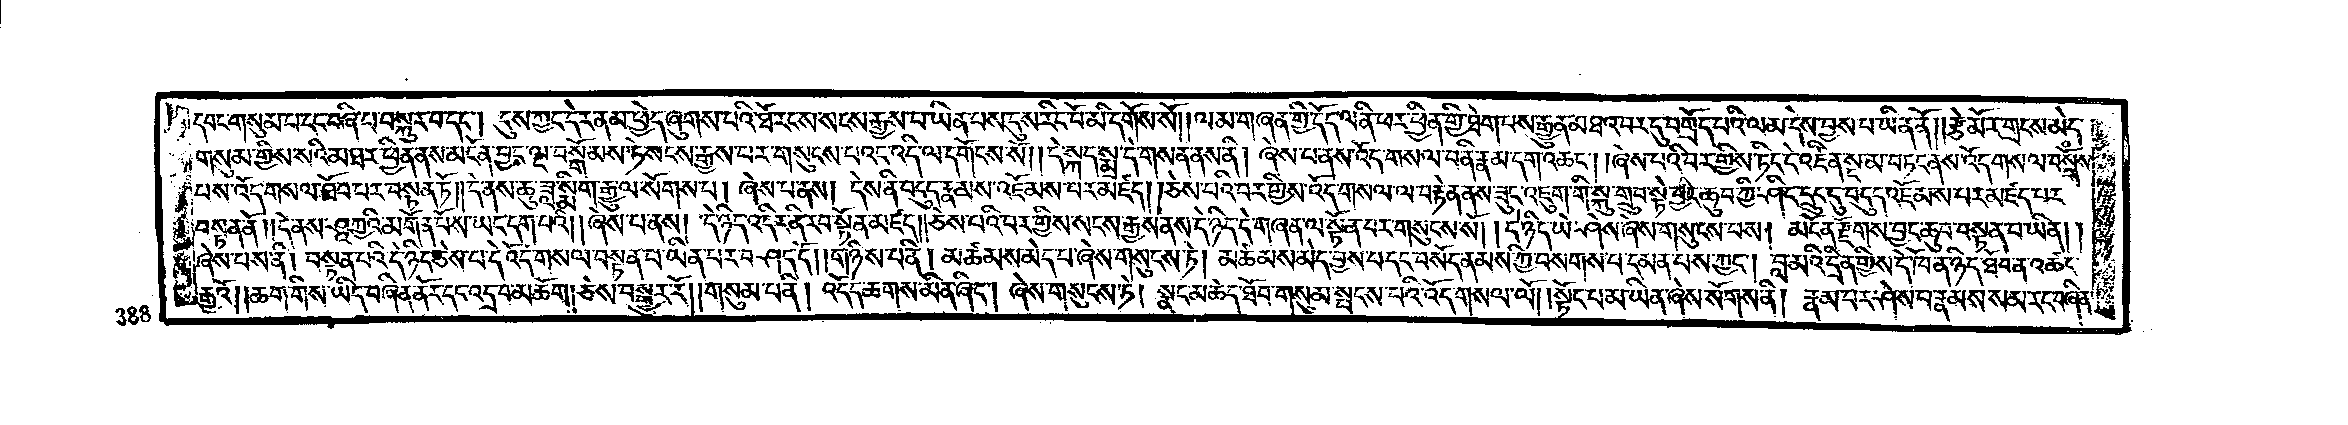དབང་གསུམ་པ་དང་བཞི་པ་བསྐུར་བ་དང་། དུས་ཀྱང་དེར་ནམ་ཕྱེད་ཞུགས་པའི་ཐོ་རངས་སངས་རྒྱས་པ་ཡིན་པས་དུས་རིང་པོ་མི་དགོས་སོ། །ལམ་གཞན་གྱི་དོད་ལ་ནི་ཕར་ཕྱིན་གྱི་ཐེག་པས་རྒྱུན་མཐའ་བར་དུ་བགྲོད་པའི་ལམ་དེས་བྱས་པ་ཡིན་ནོ། །རྩེ་མོར་གྲངས་མེད་
གསུམ་གྱིས་སའི་མཐར་ཕྱིན་ནས་མངོན་བྱང་ལྔ་བསྒོམས་ཏེ་སངས་རྒྱས་པར་གསུངས་པའང་འདི་ལ་དགོངས་སོ། །དེ་སྐད་སྨྲ་དེ་གསན་ནས་ནི། ཞེས་པ་ནས་འོད་གསལ་བ་ནི་རྣམ་དག་འཆང་། །ཞེས་པའི་བར་གྱིས་ཏིང་ངེ་འཛིན་སྔ་མ་བཏང་ནས་འོད་གསལ་བསྒོམས་
པས་འོད་གསལ་ཐོབ་པར་བསྟན་ཏོ། །དེ་ནས་ཆུ་ཟླ་སྨིག་རྒྱུ་ལ་སོགས་པ། ཞེས་པ་ནས། དེས་ནི་བདུད་རྣམས་འཇོམས་པར་མཛད། །ཅེས་པའི་བར་གྱིས་འོད་གསལ་ལ་བརྟེན་ནས་ཟུང་འཇུག་གི་སྐུ་གྲུབ་སྟེ་བྱང་ཆུབ་ཀྱི་ཤིང་དྲུང་དུ་བདུད་འཇོམས་པར་མཛད་པར་
བསྟན་ནོ། །དེ་ནས་ཤཱཀྱའི་མགོན་པོས་ཡང་དག་པའི། །ཞེས་པ་ནས། དེ་ཉིད་འདིར་ནི་རབ་སྟོན་མཛད། །ཅེས་པའི་བར་གྱིས་སངས་རྒྱས་ནས་དེ་ཉིད་དེ་གཞན་ལ་སྟོན་པར་གསུངས་སོ། །དེ་ཉིད་ཡེ་ཤེས་ཞེས་གསུངས་པས། མངོན་རྫོགས་བྱང་ཆུབ་བསྟན་པ་ཡིན། །
ཞེས་པས་ནི། བསྟན་པའི་དེ་ཉིད་ཅེས་པ་དེ་འོད་གསལ་བསྟན་པ་ཡིན་པར་བཤད་དོ། །གཉིས་པ་ནི། མཚམས་མེད་པ་ཞེས་གསུངས་ཏེ། མཚམས་མེད་བྱས་པ་དང་བསོད་ནམས་ཀྱི་བསགས་པ་དམན་པས་ཀྱང་། བླ་མའི་དྲིན་གྱིས་དེ་ཁོ་ན་ཉིད་ཐོབ་ན་འཚང་
རྒྱའོ། །ཆག་གིས་ཡིད་བཞིན་ནོར་དང་འདྲ་བ་མཆོག །ཅེས་བསྒྱུར་རོ། །གསུམ་པ་ནི། འདོད་ཆགས་མིན་ཞིང་། ཞེས་གསུངས་ཏེ། སྣང་མཆེད་ཐོབ་གསུམ་སྤངས་པའི་འོད་གསལ་ལོ། །སྟོང་པ་མ་ཡིན་ཞེས་སོགས་ནི། རྣམ་པར་ཤེས་པ་རྣམས་སམ་རང་བཞིན་